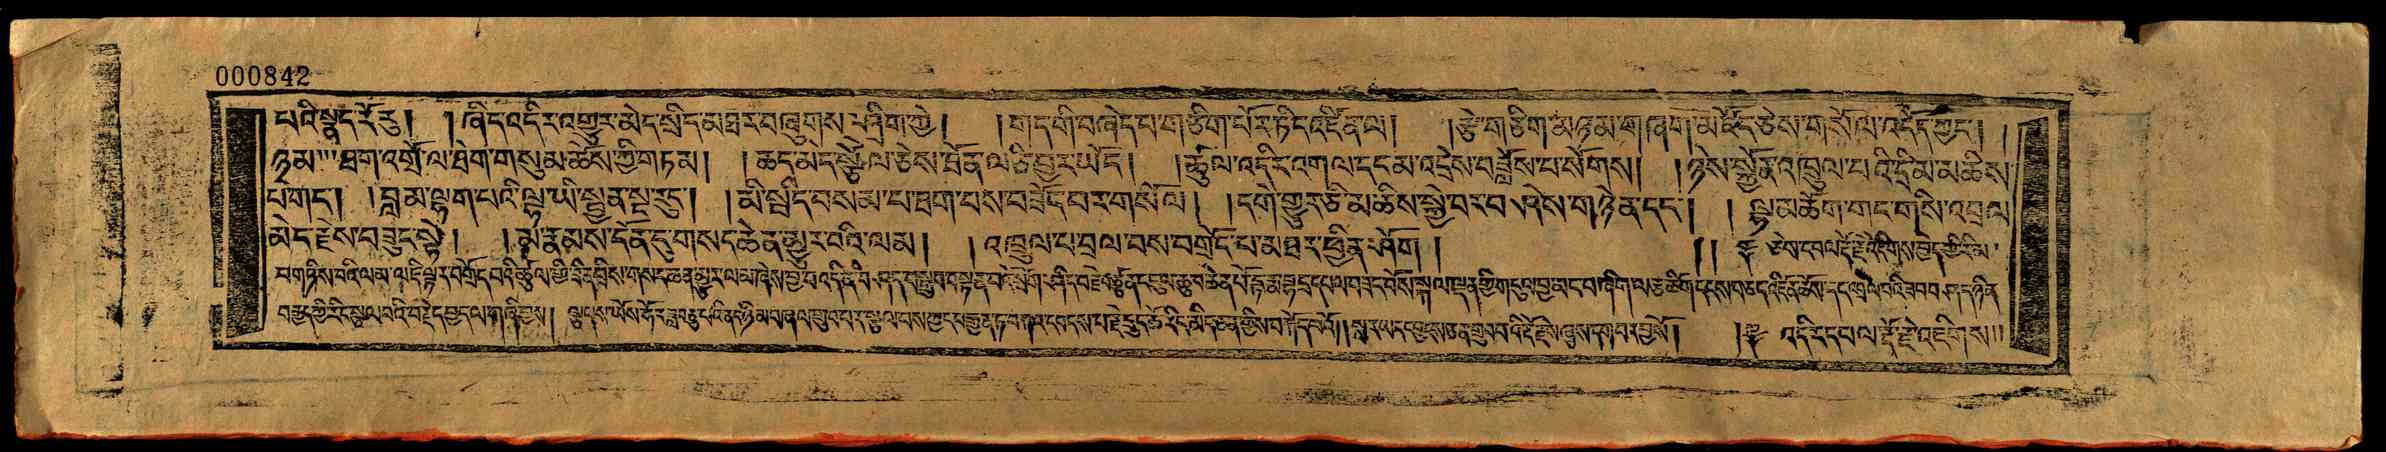པའི་སྣང་ངོ་རུ། །ཞིང་འདིར་འགྱུར་མེད་སྲིད་མཐར་བཞུགས་ཤིག་ཀྱེ། །གང་གི་བཞེད་པ་གཅིག་པོར་ཏིང་འཛིན་ལ། །རྩེ་གཅིག་མཉམ་གཞག་མཛོད་ཅེས་གསོལ་འདོད་ཀྱང་། །
ཉམ་ཐག་འགྲོ་ལ་ཐེག་གསུམ་ཆོས་ཀྱི་གཏམ། །ཆད་མེད་སྩོལ་ཅེས་ཐོན་ལ་ཅི་བྱར་ཡོད། །ཚུལ་འདིར་འགལ་དང་མ་འདྲེས་བཟློས་པ་སོགས། །ཉེས་སྐྱོན་འཁྲུལ་པའི་དྲི་མ་མཆིས་
པ་གང་། །བླ་མ་ལྷག་པའི་ལྷ་ཡི་སྤྱན་སྔ་རུ། །མི་སྦེད་བསམ་པ་ཐག་པས་བཟོད་པར་གསོལ། །དགེ་གྱུར་ཅི་མཆིས་སྐྱེ་བར་བཤེས་གཉེན་དང་། །ལྷ་མཆོག་གང་གིས་འབྲལ་
མེད་རྗེས་བཟུང་སྟེ། །མ་རྣམས་དོན་དུ་གསང་ཆེན་མྱུར་བའི་ལམ། །འཁྲུལ་པ་བྲལ་བས་བགྲོད་པ་མཐར་ཕྱིན་ཤོག ། །། ༈ ཅེས་དཔལ་རྡོ་རྗེ་འཇིགས་བྱེད་ཀྱི་རིམ་
པ་གཉིས་པའི་ལམ་ལ་ཇི་ལྟར་བགྲོད་པའི་ཚུལ་གྱི་ཟིན་བྲིས་གསང་ཆེན་མྱུར་ལམ་ཞེས་བྱ་བ་འདི་ནི་བཤད་བསྒྲུབ་བསྟན་པའི་སྲོག་ཤིང་རྗེ་བཙུན་དངུལ་ཆུ་བ་ཆེན་པོ་དྷརྨ་བྷ་དྲ་དཔལ་བཟང་པོས་སྐལ་ལྡན་གྱི་གདུལ་བྱ་མང་བ་ཞིག་ལ་རྩ་ཚིག་དངས་བཅད་འཛིན་ཆོས་དང་འབྲེལ་བའི་ཟབ་བཤད་ཉིན་
བརྒྱད་ཀྱི་རིང་སྩལ་བའི་བརྗེད་བྱང་ལ་གཞི་བྱས། ལྕགས་ཡོས་ཧོར་ཟླ་བཅུ་པའི་ནང་ཉི་མ་བཞི་ལ་གྲུབ་པར་སྩལ་བས་ཀྱང་བརྒྱན་ཏེ་བཀའ་དབངས་པ་རྗེ་དྲུང་ཚེ་རིང་མིང་ཅན་གྱིས་བཀོད་པའོ། །སླར་ཡང་དབྱངས་ཅན་གྲུབ་པའི་རྡེ་རྗེས་ཞུས་དག་པར་བྱས་སོ། །། ༈ འདིར་དཔལ་རྡོ་རྗེ་འཇིགས་